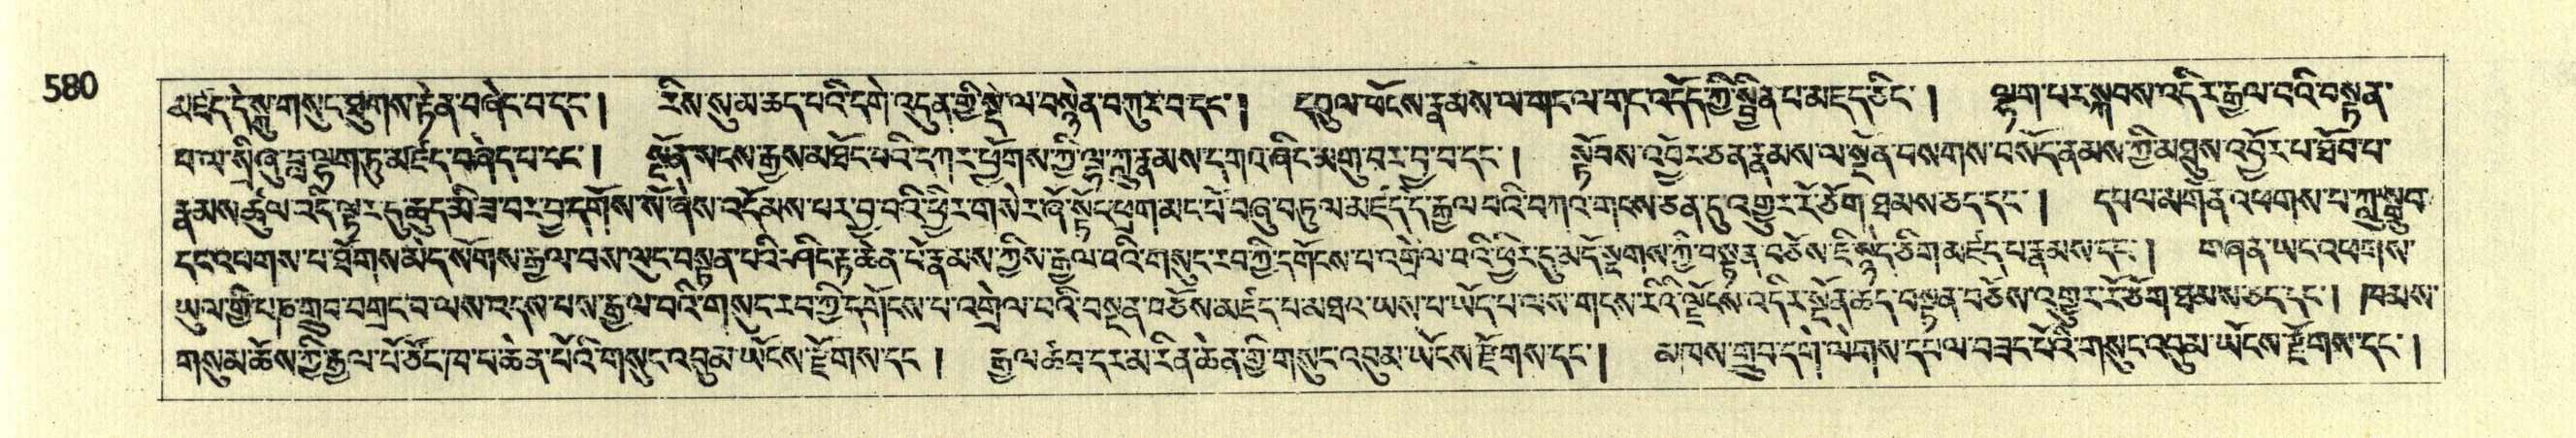མཛད་དེ་སྐུ་གསུང་ཐུགས་རྟེན་བཞེང་བ་དང་། རིས་སུ་མ་ཆད་པའི་དགེ་འདུན་གྱི་སྡེ་ལ་བསྙེན་བཀུར་བ་དང་། དབུལ་ཕོངས་རྣམས་ལ་གང་ལ་གང་འདོད་ཀྱི་སྦྱིན་པ་མཛད་ཅིང་། ལྷག་པར་སྐབས་འདིར་རྒྱལ་བའི་བསྟན་
པ་ལ་སྲི་ཞུ་བླ་ལྷག་ཏུ་མཛད་བཞེད་པ་དང་། སྔོན་སངས་རྒྱས་མཐོང་བའི་དཀར་ཕྱོགས་ཀྱི་ལྷ་ཀླུ་རྣམས་དགའ་ཞིང་མགུ་བར་བྱ་བ་དང་། སྟོབས་འབྱོར་ཅན་རྣམས་ལ་སྔོན་བསགས་བསོད་ནམས་ཀྱི་མཐུས་འབྱོར་པ་ཐོབ་པ་
རྣམས་ཚུལ་འདི་ལྟར་དུ་ཆུད་མི་ཟ་བར་བྱ་དགོས་སོ་ཞེས་འདོམས་པར་བྱ་བའི་ཕྱིར་གསེར་ཞོ་སྟོང་ཕྲག་མང་པོ་བཞུ་བཏུལ་མཛད་དེ་རྒྱལ་བའི་བཀའ་གངས་ཅན་དུ་འགྱུར་རོ་ཅོག་ཐམས་ཅད་དང་། དཔལ་མགོན་འཕགས་པ་ཀླུ་སྒྲུབ་
དང་འཕགས་པ་ཐོགས་མེད་སོགས་རྒྱལ་བས་ལུང་བསྟན་པའི་ཤིང་རྟ་ཆེན་པོ་རྣམས་ཀྱིས་རྒྱལ་བའི་གསུང་རབ་ཀྱི་དགོངས་པ་འགྲེལ་བའི་ཕྱིར་དུ་མདོ་སྔགས་ཀྱི་བསྟན་བཅོས་ཇི་སྙེད་ཅིག་མཛད་པ་རྣམས་དང་། གཞན་ཡང་འཕགས་
ཡུལ་གྱི་པཎ་གྲུབ་བགྲང་བ་ལས་འདས་པས་རྒྱལ་བའི་གསུང་རབ་ཀྱི་དགོངས་པ་འགྲེལ་བའི་བསྔན་བཅོས་མཛད་པ་མཐའ་ཡས་པ་ཡོད་པ་ལས་གངས་རིའི་ལྗོངས་འདིར་སྔོན་ཆད་བསྟན་བཅོས་འགྱུར་རོ་ཅོག་ཐམས་ཅད་དང་། ཁམས་
གསུམ་ཆོས་ཀྱི་རྒྱལ་པོ་ཙོང་ཁ་པ་ཆེན་པོའི་གསུང་འབུམ་ཡོངས་རྫོགས་དང་། རྒྱལ་ཚབ་དང་མ་རིན་ཆེན་གྱི་གསུང་འབུམ་ཡོངས་རྫོགས་དང་། མཁས་གྲུབ་དགེ་ལེགས་དཔལ་བཟང་པོའི་གསུང་འབུམ་ཡོངས་རྫོགས་དང་།